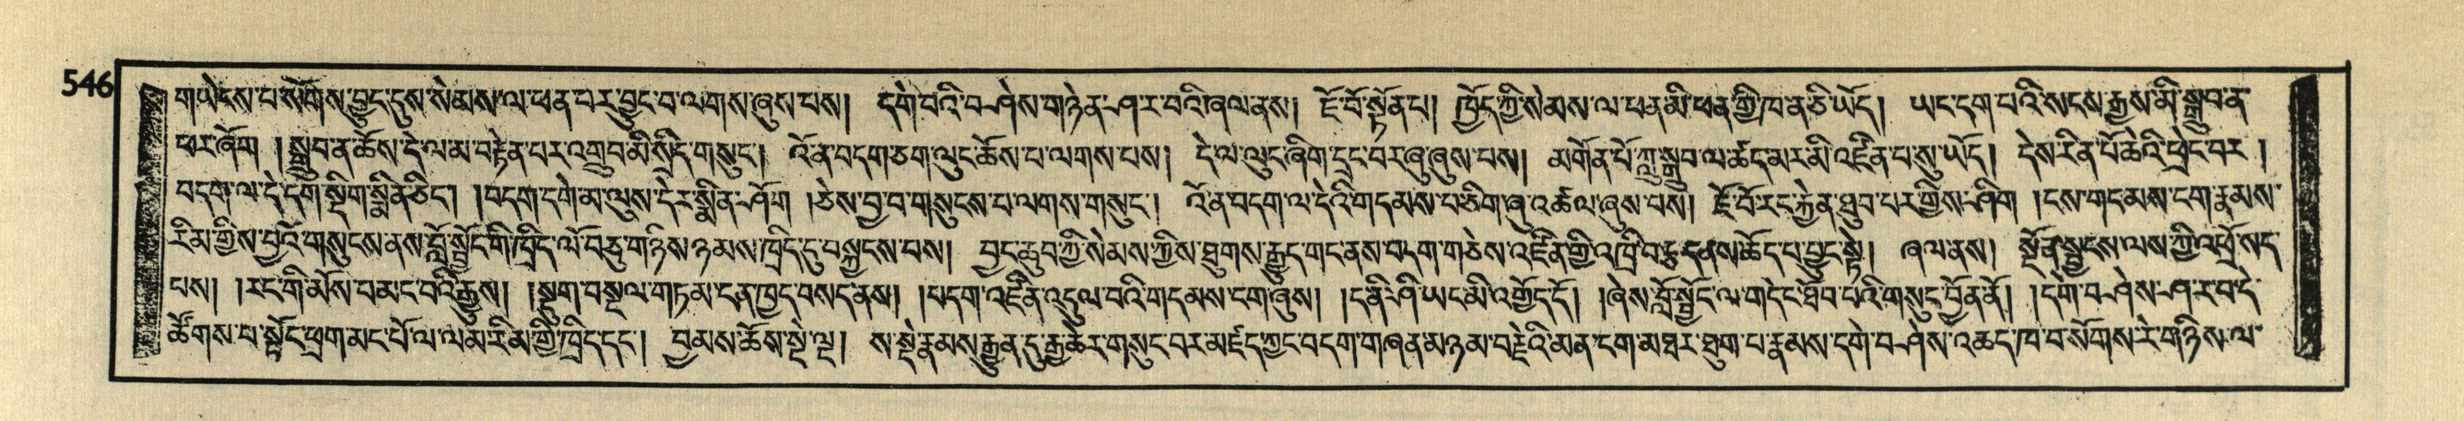གཡེངས་པ་སོགས་བྱུང་དུས་སེམས་ལ་ཕན་བར་བྱུང་བ་ལགས་ཞུས་པས། དགེ་བའི་བཤེས་གཉེན་ཤར་བའི་ཞལ་ནས། ཇོ་བོ་སྟོན་པ། ཁྱོད་ཀྱི་སེམས་ལ་ཕན་མི་ཕན་གྱི་ཁ་ན་ཅི་ཡོད། ཡང་དག་པའི་སངས་རྒྱས་མི་སྒྲུབ་ན་
ཕར་ཞོག །སྒྲུབ་ན་ཆོས་དེ་ལ་མ་བརྟེན་པར་འགྲུབ་མི་སྲིད་གསུང་། འོ་ན་བདག་ཅག་ལུང་ཆོས་པ་ལགས་པས། དེ་ལ་ལུང་ཞིག་དྲང་བར་ཞུ་ཞུས་པས། མགོན་པོ་ཀླུ་སྒྲུབ་ལ་ཚད་མར་མི་འཛིན་པ་སུ་ཡོད། དེས་རིན་པོ་ཆེའི་ཕྲེང་བར།
བདག་ལ་དེ་དག་སྡིག་སྨིན་ཅིང་། །བདག་དགེ་མ་ལུས་དེར་སྨིན་ཤོག །ཅེས་བྱ་བ་གསུངས་པ་ལགས་གསུང་། འོ་ན་བདག་ལ་དེའི་གདམ་པ་ཅིག་ཞུ་འཚལ་ཞུས་པས། ཇོ་བོ་རང་རྐྱེན་ཐུབ་པར་གྱིས་ཤིག །ངས་གདམས་ངག་རྣམས་
རིམ་གྱིས་བྱའོ་གསུངས་ནས་བློ་སྦྱོང་གི་ཁྲིད་ལོ་བཅུ་གཉིས་ཉམས་ཁྲིད་དུ་བསྐྱངས་པས། བྱང་ཆུབ་ཀྱི་སེམས་ཀྱིས་ཐུགས་རྒྱུད་གང་ནས་བདག་གཅེས་འཛིན་གྱི་འཁྲི་བརྩད་ནས་ཆོད་པ་བྱུང་སྟེ། ཞལ་ནས། སྔོན་སྦྱངས་ལས་ཀྱི་འཕྲོ་སད་
པས། །རང་གི་མོས་བ་མང་བའི་རྒྱུས། །སྡུག་བསྔལ་གཏམ་ངན་ཁྱད་བསད་ནས། །བདག་འཛིན་འདུལ་བའི་གདམས་ངག་ཞུས། །ད་ནི་ཤི་ཡང་མི་འགྱོད་དོ། །ཞེས་བློ་སྦྱོང་ལ་གདེང་ཐོབ་པའི་གསུང་བྱོན་ནོ། །དགེ་བཤེས་ཤ་ར་བ་དེ་
ཚོགས་པ་སྟོང་ཕྲག་མང་པོ་ལ་ལམ་རིམ་གྱི་ཁྲིད་དང་། བྱམས་ཆོས་སྡེ་ལྔ། ས་སྡེ་རྣམས་རྒྱུན་དུ་རྒྱ་ཆེར་གསུང་བར་མཛད་ཀྱང་བདག་གཞན་མཉམ་བརྗེའི་མན་ངག་མཐར་ཐུག་པ་རྣམས་དགེ་བཤེས་འཆད་ཁ་བ་སོགས་རེ་གཉིས་ལ་